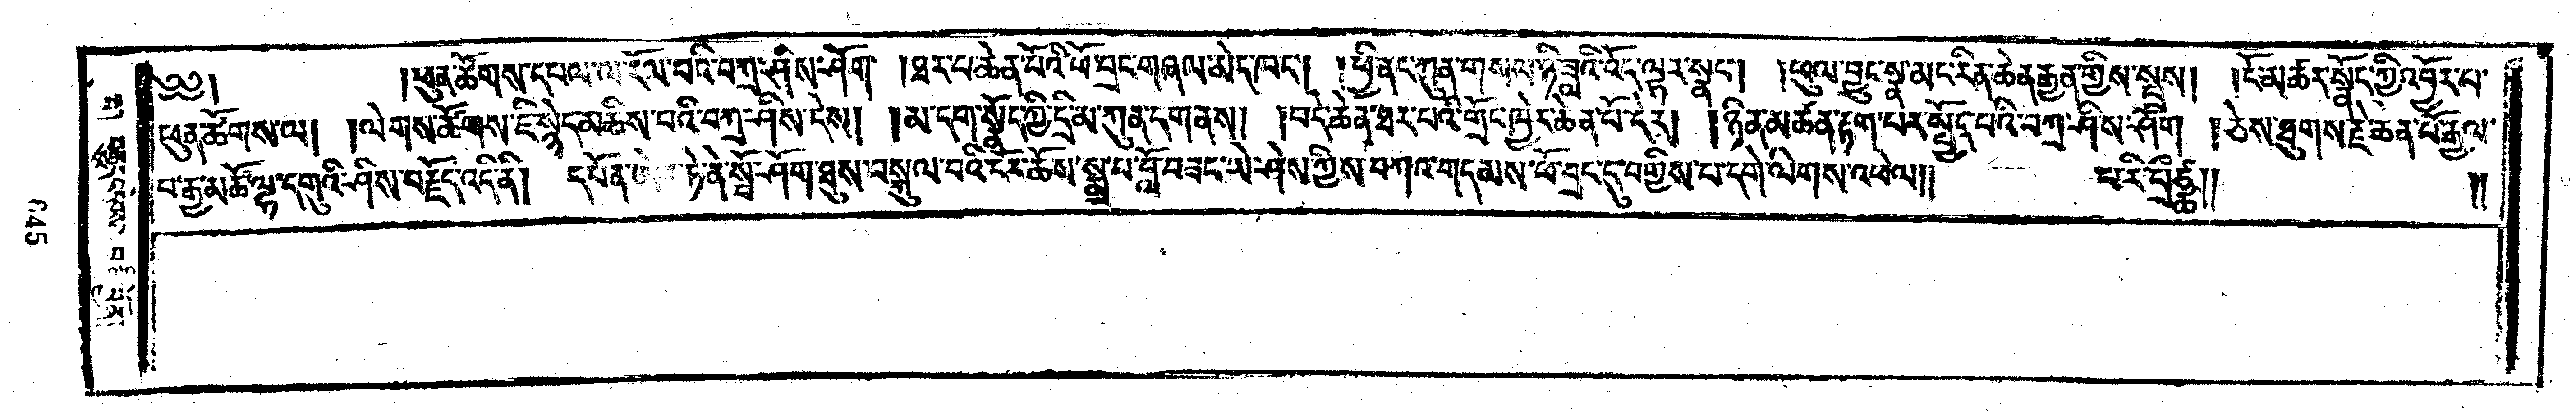༄༅། །ཕུན་ཚོགས་དཔལ་ལ་རོལ་བའི་བཀྲ་ཤིས་ཤོག །ཐར་པ་ཆེན་པོའི་ཕོ་བྲང་གཞལ་མེད་ཁང་། །ཕྱི་ནང་ཀུན་གསལ་ཉི་ཟླའི་འོད་ལྟར་སྣང་། །ཕུལ་བྱུང་སྣ་མང་རིན་ཆེན་རྒྱན་གྱིས་སྤྲས། །ངོ་མཚར་སྣོང་ཀྱི་འབྱོར་པ་
ཕུན་ཚོགས་ལ། །ལེགས་ཚོགས་ཇི་སྙེད་མཆིས་བའི་བཀྲ་ཤིས་ངེས། །མ་དག་སྣོད་ཀྱི་དྲི་མ་ཀུན་དག་ནས། །བདེ་ཆེན་ཐར་པའི་གྲོང་ཁྱེར་ཆེན་པོ་དེར། །ཉིན་མཚན་རྟག་པར་སྤྱོད་པའི་བཀྲ་ཤིས་ཤོག །ཅེས་ཐུགས་རྗེ་ཆེན་པོ་རྒྱལ་
བ་རྒྱ་མཚོ་ལྷ་དགུའི་ཤིས་བརྗོད་འདི་ནི། དཔོན་ཨེར་ཏེ་ནེ་སྦོ་ཤོག་ཐུས་བསྐུལ་བའི་ངོར་ཆོས་སྨྲ་པ་བློ་བཟང་ཡེ་ཤེས་ཀྱིས་བཀའ་གདམས་ཕོ་བྲང་དུ་བགྱིས་པ་དགེ་ལེགས་འཕེལ།། པ་རི་ཕྲྀཙྪ།། །།